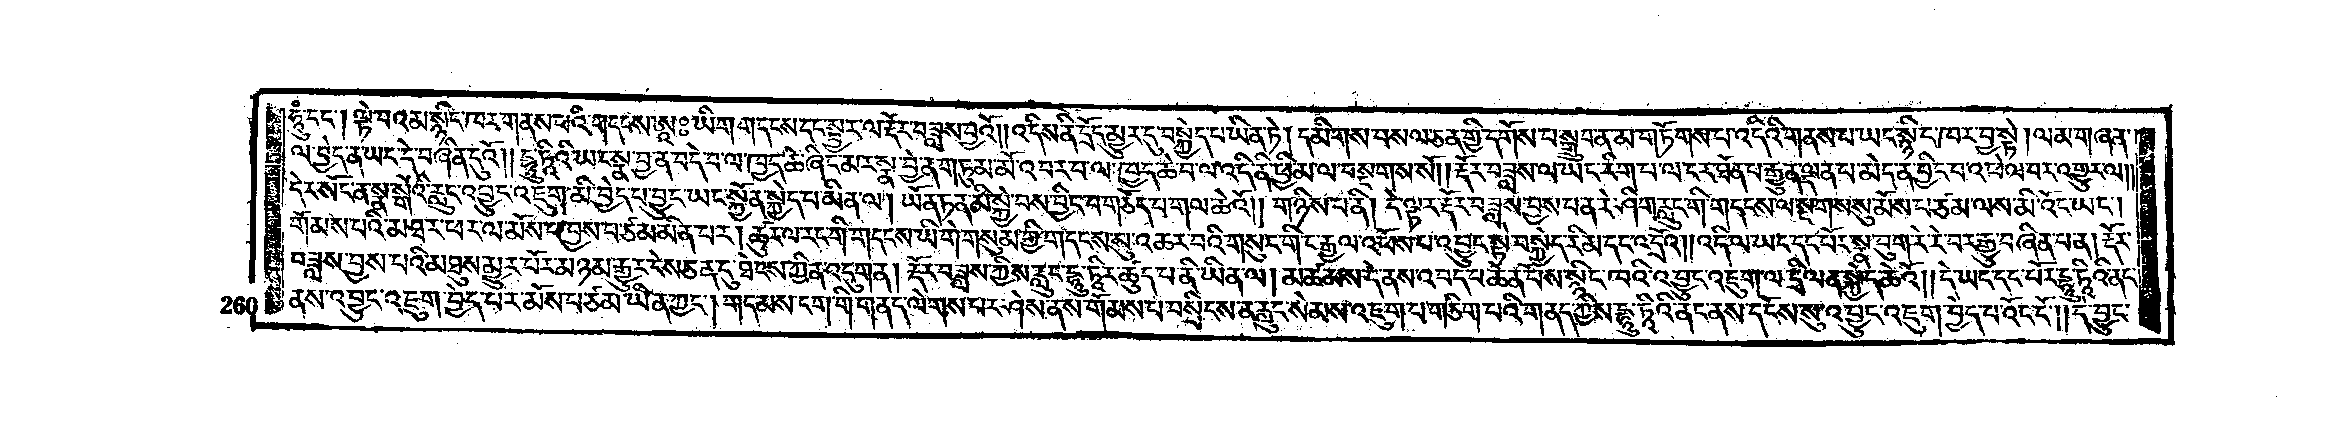ཧཱུཾ་དང་། ལྟེ་བའམ་སྙིང་ཁར་གནས་པའི་གདངས་ཨཱཿ ཡིག་གདངས་དང་སྦྱར་ལ་རྡོར་བཟླས་བྱའོ། །འདིས་ནི་དྲོད་མྱུར་དུ་བསྐྱེད་པ་ཡིན་ཏེ། དམིགས་བསལ་ཅན་གྱི་དགོས་པ་སྒྲུབ་ན་མ་གཏོགས་པ་འདིའི་གནས་པ་ཡང་སྙིང་ཁར་བྱ་སྟེ། ལམ་གཞན་
ལ་བྱེད་ན་ཡང་དེ་བཞིན་དུའོ། །དྷཱུ་ཏཱིའི་ཡར་སྣ་བྱེ་ན་བདེ་བ་ལ་ཁྱད་ཆེ་ཞིང་མར་སྣ་བྱེ་ན་གཏུམ་མོ་འབར་བ་ལ་ཁྱད་ཆེ་བ་ལ་འདི་ནི་ཕྱི་མ་ལ་བསྔགས་སོ། །རྡོར་བཟླས་ལ་ཡང་རིག་པ་ལ་ངར་ཐོན་པ་རྒྱུན་ལྡན་པ་མེད་ན་བྱིང་བ་འཕེལ་བར་འགྱུར་ལ། །
དེར་སོང་ན་སྣ་སྒོའི་རླུང་འབྱུང་འཇུག་མི་བྱེད་པ་བྱུང་ཡང་སྐྱོན་སྐྱེད་པ་མིན་ལ། ཡོན་ཏན་མི་སྐྱེ་བས་བྱིང་བ་གཅོད་པ་གལ་ཆེའོ། །གཉིས་པ་ནི། དེ་ལྟར་རྡོར་བཟླས་བྱས་པ་ན་རེ་ཤིག་རླུང་གི་གདངས་ལ་སྔགས་སུ་མོས་པ་ཙམ་ལས་མི་འོང་ཡང་།
གོམས་པའི་མཐར་ཕར་ལ་མོས་པ་བྱས་པ་ཙམ་མིན་པར། ཚུར་ལ་རང་གི་གདངས་ཡི་གེ་གསུམ་གྱི་གདངས་སུ་འཆར་བའི་གསུང་གི་ང་རྒྱལ་འཕོས་པ་འབྱུང་སྟེ་བསྐྱེད་རིམ་དང་འདྲོའོ། །འདི་ལ་ཡང་དང་པོར་སྣ་བུག་རེ་རེ་བར་རྒྱུ་བཞིན་པ་ན། རྡོར་
བཟླས་བྱས་པའི་མཐུས་མྱུར་པོར་མཉམ་རྒྱུར་ངེས་ཅན་དུ་ཐེངས་ཀྱི་ན་འདུག་ན། རྡོར་བཟླས་ཀྱིས་རླུང་དྷཱུ་ཏཱིར་ཚུད་པ་ནི་ཡིན་ལ། མཚམས་དེ་ནས་འབད་པ་ཆེན་པོས་སྙིང་ཁའི་འབྱུང་འཇུག་ལ་དྲིལ་ན་སྐྱེད་ཆེའོ། །དེ་ཡང་དང་པོར་དྷཱུ་ཏཱིའི་ནང་
ནས་འབྱུང་འཇུག་བྱེད་པར་མོས་པ་ཙམ་ཡིན་ཀྱང་། གདམས་ངག་གི་གནད་ལེགས་པར་ཤེས་ནས་གོམས་པ་བསྲིངས་ན་རླུང་སེམས་འཇུག་པ་གཅིག་པའི་གནད་ཀྱིས་དྷཱུ་ཏཱིའི་ནང་ནས་དངོས་སུ་འབྱུང་འཇུག་བྱེད་པ་འོང་ངོ། །དེ་བྱུང་